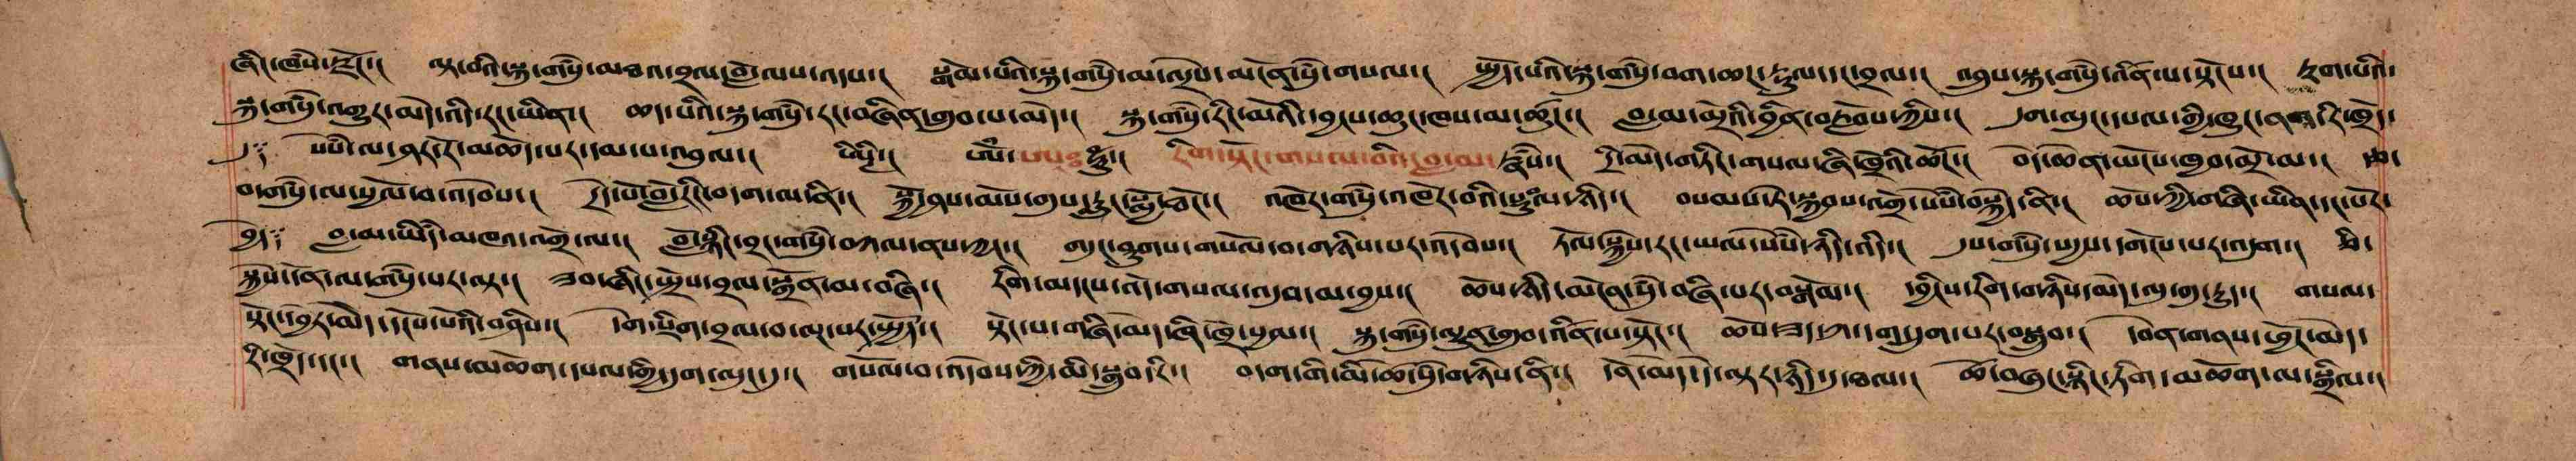ཞིང་ཁམས་རྫོགས།། ལྟ་བའི་སྐུ་གསུམ་མཐའ་བྲལ་བློ་ལས་འདས།། སྒོམ་པའི་སྐུ་གསུམ་མ་འདྲེས་མངོན་སུམ་གསལ།། སྤྱོད་པའི་སྐུ་གསུམ་བག་ཆགས་རྡུལ་དང་བྲལ།། འབྲས་བུ་སྐུ་གསུམ་འཛིན་པ་སྟོངས།། རྟག་པའི་
སྐུ་གསུམ་འགྱུར་མེད་འདི་རང་ཡིན།། ཆད་པའི་སྐུ་གསུམ་ང་བཞིན་གྲུབ་པ་མེད།། སྐུ་གསུམ་རིང་མོའི་དབྱངས་ཆུང་ཁས་མ་ཚུགས།། བླ་མ་མཁའ་འགྲོའི་བྱིན་བརློབས་ཀྱིས།། དུག་ལུང་དཔལ་གྱི་ཁྱུང་ནག་རི་ཁྲོད་
དུ།། སེམས་ལ་ཤར་རོ་མཆོད་པར་དམ་པ་འབུལ།། ཨིཊི།། ཨོཾ་ཨཱཿཧཱུཾ། རིག་སྟོང་གསལ་བའི་བླ་མ་རྣམས།། དྲི་མེད་གཏིང་གསལ་ཞི་ཁྲོའི་ཚོགས།། བདེ་ཆེན་ཡོངས་ཁྱབ་མཁའ་འགྲོ་ལ།། རྩ་
བ་གསུམ་ལ་གསོལ་བ་འདེབས།། དྲེད་པོ་བློ་རིང་བདག་ལ་ནི།། སྐྱོ་ཤས་མོས་གུས་རླུང་སྨྱོ་ཐོང་།། འཁོར་གསུམ་འཁོར་བའི་སྡུག་བསྔལ་ཉིད།། བསམས་ཏེ་སྐྱབས་འགྲོ་སེམས་བསྐྱེད་ནི།། ཆོས་ཀྱི་གཞི་ཡིན་དང་པོར་
བྱེད།། བླ་མ་ཡིད་དམ་མཁའ་འགྲོ་ལ།། བློ་སྙིང་བྲང་གསུམ་བཀལ་ནས་ཀྱང་།། གདུང་ཤུགས་གསོལ་བ་གཉིས་པར་འདེབས།། ཏོལ་སྐྱེས་རང་ཡལ་སེམས་ཉིད་འདི།། དུས་གསུམ་སངས་རྒྱས་དགོངས་པར་འདུག། ཅི་
སྐྱེས་དོན་ལ་གསུམ་པར་ལྟ།། ཟབ་ཞིང་སྤྲོས་བྲལ་སྒྲོན་མ་བཞི།། རིག་མདངས་འོད་གསལ་འདུས་མ་བྱས།། ཆོས་ཉིད་མངོན་སུམ་བཞི་པར་བསྒོམ།། དབྱིངས་རིག་གཉིས་མེད་ལུ་གུ་རྒྱུད།། གསལ་
སྟོང་དབྱེར་མེད་དངོས་པོའི་གཤིས།། དགེ་སྡིག་བྲལ་བ་ལྔ་པར་སྤྱོད།། སྟོང་པ་གཞི་མེད་ཞི་ཁྲོི་གསལ།། སྐུ་གསུམ་ལྷུན་གྲུབ་འཛིན་པ་སྟོང་།། ཆོས་ཟད་ཀ་དག་དྲུག་པར་བསྒྲུབ།། དབེན་གནས་ཕྱོགས་མེད་
རི་ཁྲོད་དང་།། གནས་མཆོག་དཔལ་གྱི་དུག་ལུང་དུ།། གསོལ་བ་འདེབས་ཀྱི་མི་སྒྲུབ་རི།། བདག་གི་མི་ཚེ་སུམ་གཉིས་ནི།། དོན་མེད་དེ་ལྟར་ཉིད་དུ་ཐལ།། ཚེ་བཞུགས་སྙིང་ཏིག་མཆོག་ལ་སྒྲིལ།།